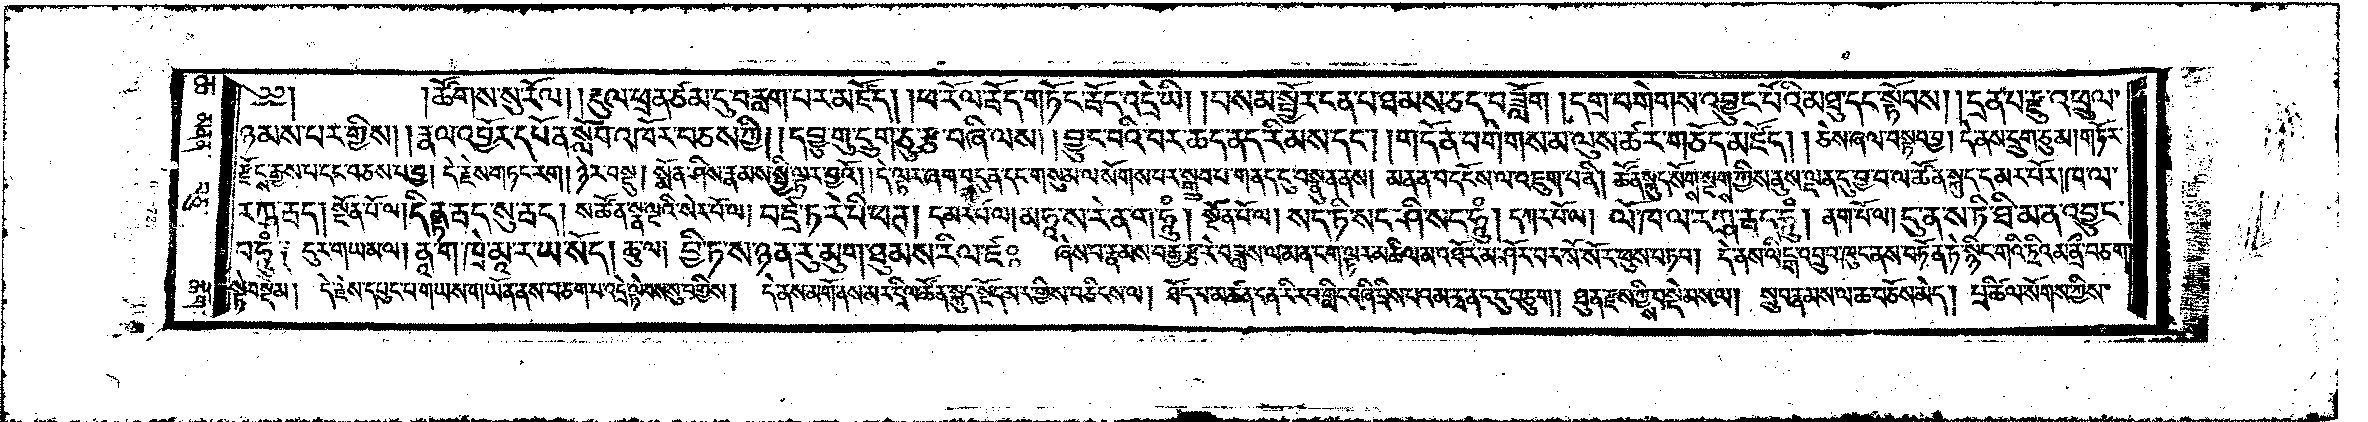༄༅། །ཚོགས་སུ་རོལ། །རྡུལ་ཕྲན་ཙམ་དུ་བརླག་པར་མཛོད། །ཕ་རོལ་རྦོད་གཏོང་རྦོད་འདྲེ་ཡི། །བསམ་སྦྱོར་ངན་པ་ཐམས་ཅད་བཟློག །དགྲ་བཤེགས་འབྱུང་པོའི་མཐུ་དང་སྟོབས། །དྲན་པ་རྫུ་འཕྲུལ་
ཉམས་པར་གྱིས། །རྣལ་འབྱོར་དཔོན་སློབ་འཁོར་བཅས་ཀྱི། །དབྱུ་གུ་དྲུག་ཅུ་རྩ་བཞི་ལས། །བྱུང་བའི་བར་ཆད་ནད་རིམས་དང་། །གདོན་བགེགས་མ་ལུས་ཚར་གཅོད་མཛོད། །ཅེས་ཞལ་བསྟབ་བྱ། །དེ་ནས་དྲུག་ཅུ་མ། གཏོར་
རྫོངས་རྒྱས་པ་དང་བཅས་པ་བྱ། དེ་རྗེས་གཏང་རག །ཉེར་བསྡུ། །སྨོན་ཤིས་རྣམས་སྤྱི་ལྟར་བྱའོ། །དེ་ལྟར་ཞག་བདུན་དང་གསུམ་ལ་སོགས་པར་སྒྲུབ་པ་གནད་དུ་བསྣུན་ནས། མནན་པ་དངོས་ལ་འཇུག་པ་ནི། །ཚོན་སྐུ་སོགས་སྔགས་ཀྱིས་ནུས་ལྡན་དུ་བྱ་བ་ལ་ཚོན་སྐུད་དམར་པོར། ཁ་ལ་
རཀྵ་རྦད། །སྔོན་པོ་ལ། དིནྟ་རྦད་སུ་རྦད། །ས་ཚོན་སྣ་ལྔའི་སེར་པོ་ལ། །བཛྲ་རེ་པི་ཕཌ། དམར་པོ་ལ། མཧཱ་ས་རེ་ན་ག་ཧཱུཾ། སྔོན་པོ་ལ། སད་ཏི་སང་ཤིས་སད་ཧཱུཾ། དཀར་པོ་ལ། ལོ་ཁ་ལ་རཀྵ་རྦད་ཧཱུཾ། ནག་པོ་ལ། དུ་ན་ས་ཏི་ཐི་མན་འབྱུང་
བ་ཧཱུཾ༑ དུར་གཡམ་ལ། ནཱ་ག་ཁྲེ་མཱ་ར་ཡ་སོད། །ཆུ་ལ༑ བྱི་ཏ་ས་ཉན་རུ་མུག་ཐུམས་རི་ལ་ཛཿ ཞེས་པ་རྣམས་བརྒྱ་རྩ་རེ་བཟླས་མན་ངན་ལྟར་མཆིལ་མ་འཐོར་མ་ཤོར་བར་སོ་སོར་ཕུས་བཏབ། དེ་ནས་ལིངྒ་འབྲུབ་ཁུང་ནས་བཏོན་ཏེ་སྙིང་གའི་ཏྲའི་མིནྲ་བཅག་
སྟེ་བསྡམ། དེ་རྗེས་དཔུང་པ་གཡས་གཡོན་ནས་བཅག་པ་འདྲེ་ལྟེབས་སུ་བགྱིས། དེ་ནས་མགོ་ནས་མར་དྲིལ་ཚོན་སྐུད་སྔོད་མར་གྱིས་བཅིངས་ལ། ཐོད་པ་མཚན་དན་རི་རབ་གླིང་བཞི་བྲིས་པའམ་རྭ་ནང་དུ་བཅུག །ཐུན་རྫས་ཀྱི་བསྡེམས་ལ། སྲུབ་རྣམས་ལ་ཆབ་བཅོས་མེད། པྲི་ཚིལ་སོགས་ཀྱིས་